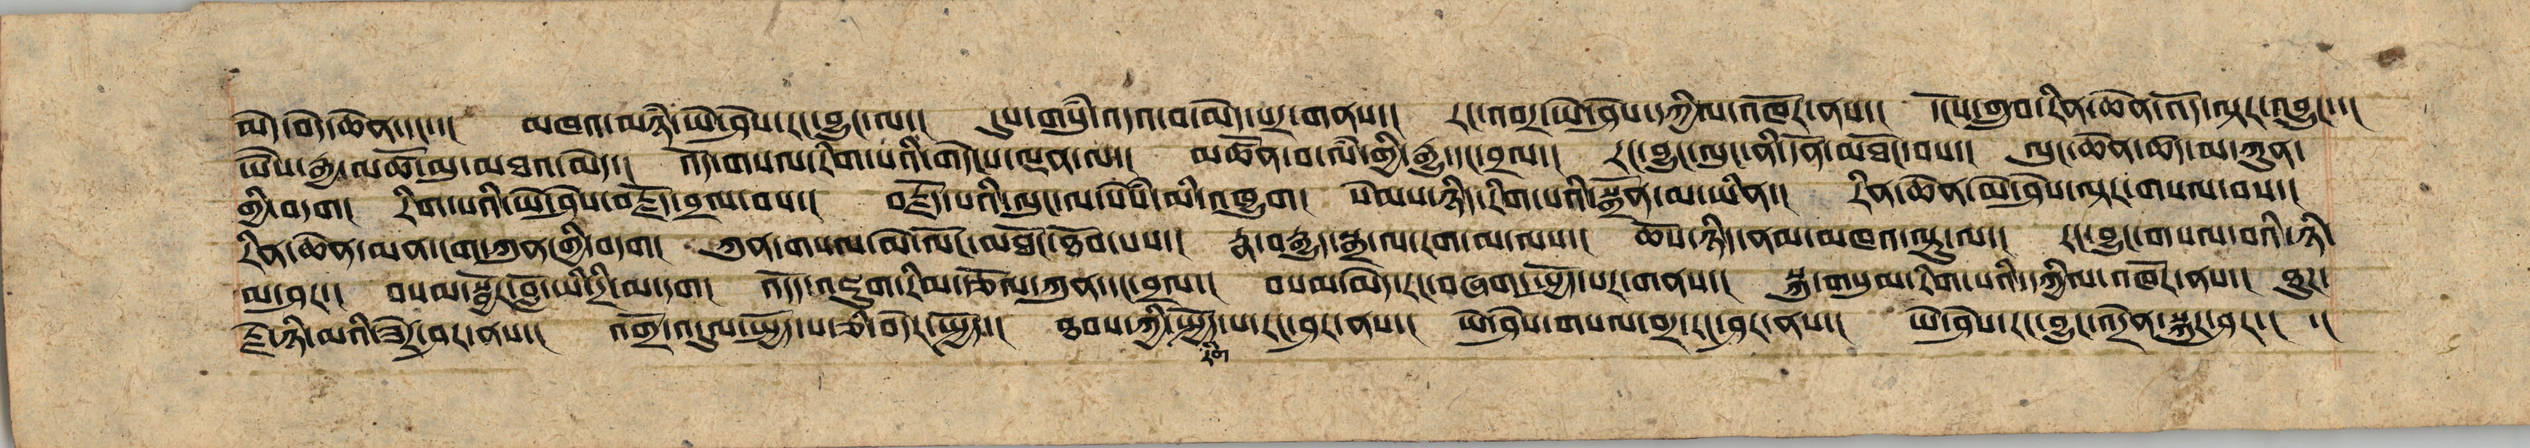མེད་བདེ་ཆེན་དང་་། མཁའ་མཉཾ་ཡེ་ཤེས་རང་བྱུང་ལ་། དུས་གསུཾ་འདའ་བ་མེད་པར་གནས་། རང་འབར་ཡེ་ཤེས་དཀྱིལ་འཁོར་ནས་། དངོས་གྲུབ་རིན་ཆེན་འོད་ལྟར་འབྱུང་་།
ཡཻས་རྒྱ་མཚོ་མུ་མཐའ་མེད་། འོད་གསལ་རིག་པའི་གདེངས་ལྡན་ལ་། མཚོན་བ་ལཾ་གྱི་རྒྱུ་དང་བྲལ་། རང་བྱུང་ལུང་ནི་དོན་མཐོང་བས་། ལུང་ཆེན་ཚད་མ་ཀུན་
གྱི་བདག། རིག་པའི་ཡེ་ཤེས་བརྗོད་བྲལ་བས་། བརྗོད་པའི་ལུང་ལ་སེཾས་མི་འཁྱུག། སེམས་ཉིད་རིག་པའི་སྒྲོན་མ་ཡིན་། རིན་ཆེན་མེ་ཤེས་ལྟར་གསལ་བས་།
རིན་ཆེན་མན་ངག་ཀུན་གྱི་བདག། ཀུན་གསལ་མེ་ལོང་མཐོང་ཐོབ་པས་། རྣ་བརྒྱུད་སྒྲ་ལ་རག་མ་ལས་། ཆོས་ཉིད་ནམ་མཁའ་ལྟུ་ལ་། རང་བྱུང་གསལ་བའི་ཉི་
མ་ཤར་། བསམ་སྦྱོར་བློ་ཡི་དྲི་མ་དག། འདོད་འཇུག་རིམ་རྩོལ་ཀུན་དང་བྲལ་། བསམ་མེད་རང་བཞག་སྤྱོད་པར་གནས་། སྐུ་གསུམ་རིག་པའི་དཀྱིལ་འཁོར་ནས་། ཐུཌ་
རྗེ་ཉི་མའི་ཟེར་ཤར་ནས་། འགྲོ་འདུལ་སྤྱོད་པ་ཅི་བདེར་སྤྱོད་། ཐབས་ཀྱི་སྤྱོད་པ་རང་ཤར་ནས་། ཡེ་ཤེས་གསལ་བར་རང་ཤར་ནས་། ཡེ་ཤེས་རང་བྱུང་འདྲེན་སྐུར་ཤར་། ་།